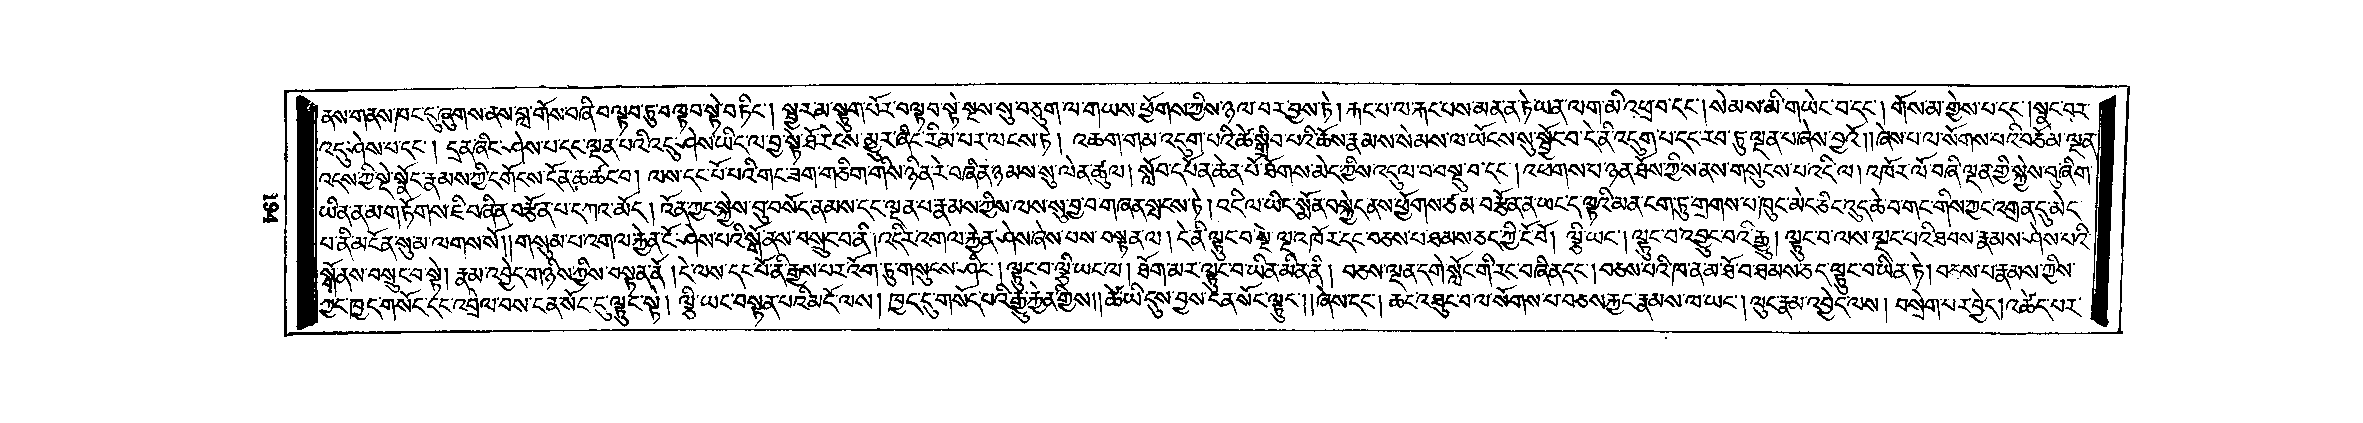ནས་གནས་ཁང་དུ་ཞུགས་ནས་བླ་གོས་བཞི་བལྟབ་ཏུ་བལྟབ་སྟེ་བཏིང་། སྦྱར་མ་སྟུག་པོར་བལྟབ་སྟེ་སྔས་སུ་བཅུག་ལ་གཡས་ཕྱོགས་ཀྱིས་ཉལ་བར་བྱས་ཏེ། རྐང་པ་ལ་རྐང་པས་མན་ན་ཏེ་ཡན་ལག་མི་འཕྲ་བ་དང་། སེམས་མི་གཡེང་བ་དང་། གོས་མ་གྱེས་པ་དང་། སྣང་བར་
འདུ་ཤེས་པ་དང་། དྲན་ཞིང་ཤེས་པ་དང་ལྡན་པའི་འདུ་ཤེས་ཡིད་ལ་བྱ་སྟེ་ཐོ་རེངས་མྱུར་ཞིང་རིམ་པར་ལངས་ཏེ། འཆག་གམ་འདུག་པའི་ཚེ་སྒྲིབ་པའི་ཆོས་རྣམས་སེམས་ལ་ཡོངས་སུ་སྦྱོང་བ་དེ་ནི་འདུག་པ་དང་རབ་ཏུ་ལྡན་པ་ཞེས་བྱའོ། །ཞེས་པ་ལ་སོགས་པའི་བཅོམ་ལྡན་
འདས་ཀྱི་སྡེ་སྣོད་རྣམས་ཀྱི་དགོངས་དོན་ཆ་ཚང་བ། ལས་དང་པོ་པའི་གང་ཟག་གཅིག་གིས་ཉིན་རེ་བཞིན་ཉམས་སུ་ལེན་ཚུལ། སློབ་དཔོན་ཆེན་པོ་ཐོགས་མེད་ཀྱིས་འདུལ་བ་བསྡུ་བ་དང་། འཕགས་པ་ཉན་ཐོས་ཀྱི་ས་ནས་གསུངས་པ་འདི་ལ། འཁོར་ལོ་བཞི་ལྡན་གྱི་སྐྱེས་བུ་ཞིག་
ཡིན་ན་མ་གཏོགས་ཇི་བཞིན་བརྩོན་པ་དཀའ་མོད། འོན་ཀྱང་སྐྱེས་བུ་བསོད་ནམས་དང་ལྡན་པ་རྣམས་ཀྱིས་ལས་སུ་བྱ་བ་གཞན་སྤངས་ཏེ། འདི་ལ་ཡིད་སྨོན་བསྐྱེད་ནས་ཕྱོགས་ཙམ་བརྩོན་ན་ཡང་ད་ལྟའི་མན་ངག་ཏུ་གྲགས་པ་ཁུང་མེད་ཅིང་འུད་ཆེ་བ་གང་གིས་ཀྱང་འགྲན་དུ་མེད་
པ་ནི་མངོན་སུ་མ་ལགས་སོ། །གསུམ་པ་འགལ་རྐྱེན་ངོ་ཤེས་པའི་སྒོ་ནས་བསྲུང་བ་ནི། འདིར་འགལ་རྐྱེན་ཤེས་ཞེས་པས་བསྟན་ལ། དེ་ནི་ལྟུང་བ་སྡེ་ལྔ་འཁོར་དང་བཅས་པ་ཐམས་ཅད་ཀྱི་ངོ་བོ། ལྕི་ཡང་། ལྟུང་བ་འབྱུང་བའི་རྒྱུ། ལྟུང་བ་ལས་ལྡང་པའི་ཐབས་རྣམས་ཤེས་པའི་
སྒོ་ནས་བསྲུང་བ་སྟེ། རྣམ་འབྱེད་གཉིས་ཀྱིས་བསྟན་ནོ། དེ་ལས་དང་པོ་ནི་རྒྱས་པར་འོག་ཏུ་གསུངས་ཤིང་། ལྟུང་བ་ལྕི་ཡང་ལ། ཐོག་མར་ལྟུང་བ་ཡིན་མིན་ནི། བཅས་ལྡན་དགེ་སློང་གི་རང་བཞིན་དང་། བཅས་པའི་ཁ་ན་མ་ཐོ་བ་ཐམས་ཅད་ལྟུང་བ་ཡིན་ཏེ། བཅས་པ་རྣམས་ཀྱིས་
ཀྱང་ཁྱད་གསོད་དང་འབྲེལ་བས་ངན་སོང་དུ་ལྟུང་སྟེ། ལྕི་ཡང་བསྟན་པའི་མདོ་ལས། ཁྱད་དུ་གསོད་པའི་རྒྱུ་རྐྱེན་གྱིས། །ཚེ་ཡི་དུས་བྱས་ངན་སོང་ལྟུང་། །ཞེས་དང་། ཆང་འཐུང་བ་ལ་སོགས་པ་བཅས་རྐྱང་རྣམས་ལ་ཡང་། ལུང་རྣམ་འབྱེད་ལས། བསྲེག་པར་བྱེད། འཚེད་པར་